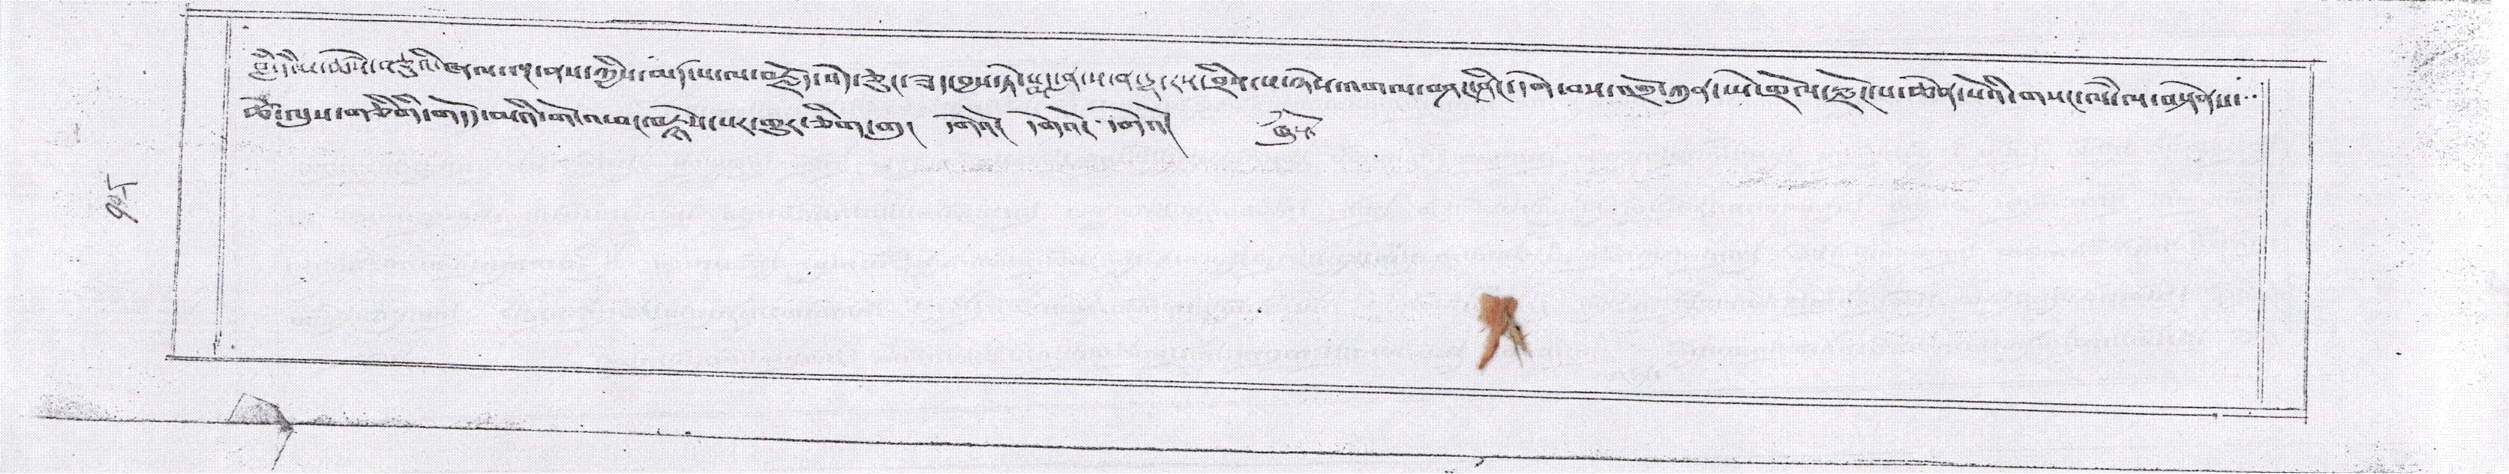བླ་མ་དམ་པ་ཚེས་བཅུའི་ཞལ་སྔ་ནས་ཀྱིས་མཛད་པ་ལ་བརྗོད་བདེ་ཅུང་ཟད་བྱས་ཏེ་པདྨ་ཤ་ས་ན་དྷ་རས་བྲིས་པ་ཉེས་འགལ་བཤགས་ཤིང་དགེ་བས་འགྲོ་ཀུན་ཡེ་གྲོལ་རྫོགས་པ་ཆེན་པོའི་གསང་ལམ་ལ་བརྟེན་ནས་
ཚེ་ལུས་གཅིག་གི་གདོད་མའི་གོ་འཕང་བརྙེས་པར་གྱུར་ཅིག་གུ། །དགེའོ། དགེའོ། དགེའོ། །ཞུས་སོ། །